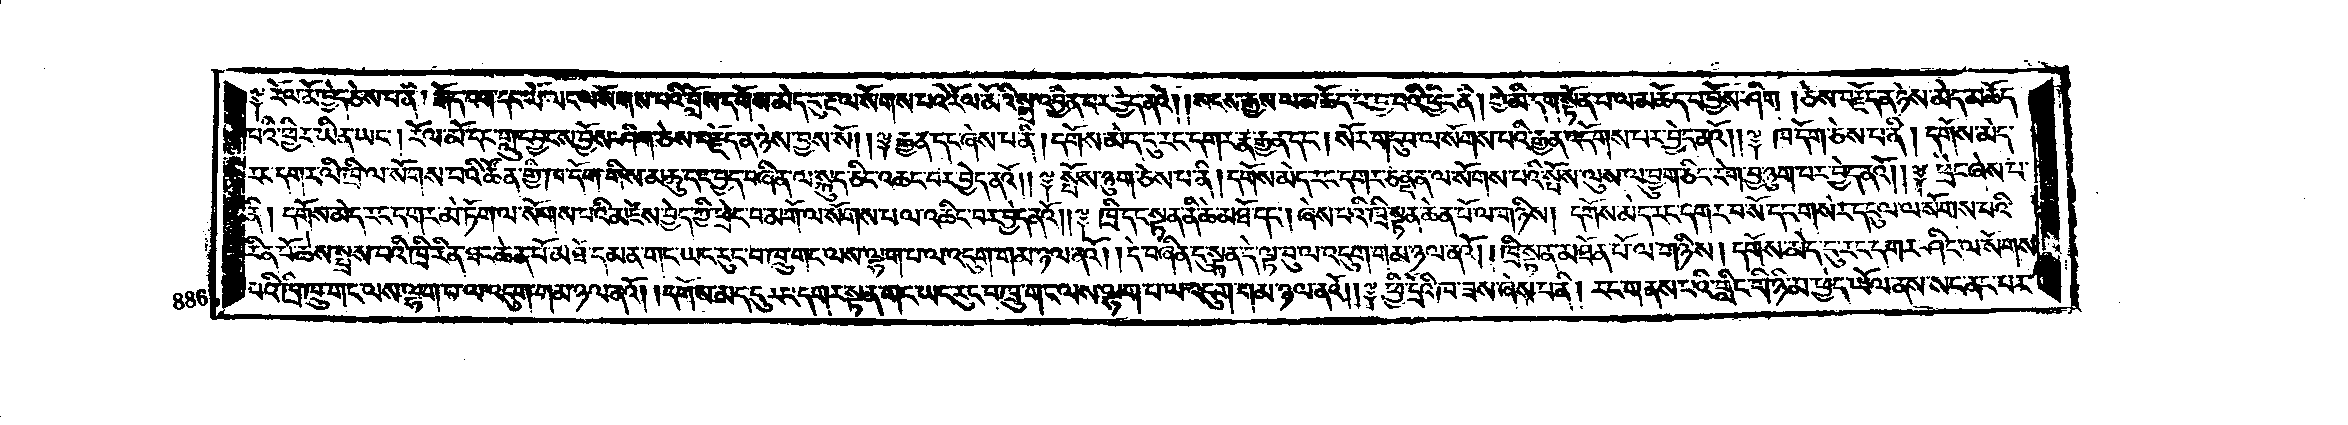༈ རོལ་མོ་བྱེད་ཅེས་པ་ནི། རྒོད་བག་དང་པོ་ལང་ལ་སོགས་པའི་བློས་དགོས་མེད་དུ་རྔ་ལ་སོགས་པའི་རོལ་མོའི་སྒྲ་འབྱིན་པར་བྱེད་ནའོ། །སངས་རྒྱས་ལ་མཆོད་པ་བྱ་བའི་ཕྱིར་ནི། གྱེ་མི་དག་སྟོན་པ་ལ་མཆོད་པ་བྱོས་ཤིག །ཅེས་བརྗོད་ན་ཉེས་མེད་མཆོད་
པའི་ཕྱིར་ཡིན་ཡང་། རོལ་མོ་དང་གླུ་དབྱངས་བྱོས་ཤིག་ཅེས་བརྗོད་ན་ཉེས་བྱས་སོ། ། ༈ རྒྱན་དང་ཞེས་པ་ནི། དགོས་མེད་དུ་རང་དགར་རྣ་རྒྱན་དང་། སོར་གདུབ་ལ་སོགས་པའི་རྒྱན་འདོགས་པར་བྱེད་ནའོ།། ༈ ཁ་དོག་ཅེས་པ་ནི། དགོས་མེད་
རང་དགར་ལི་ཁྲི་ལ་སོགས་པའི་ཚོན་གྱི་ཁ་དོག་གིས་མཆུ་དང་བྱད་བཞིན་ལ་སྐུད་ཅིང་འཆང་བར་བྱེད་ནའོ།། ༈ སྤོས་ཉུག་ཅེས་པ་ནི། དགོས་མེད་རང་དགར་ཙནྡན་ལ་སོགས་པའི་སྤོས་ལུས་ལ་བྱུག་ཅིང་རེག་བྱ་ཉུག་པར་བྱེད་ནའོ།། ༈ ཕྲེང་ཞེས་པ་
ནི། དགོས་མེད་རང་དགར་མེ་ཏོག་ལ་སོགས་པའི་མཛེས་བྱེད་ཀྱི་ཕྲེང་བ་མགོ་ལ་སོགས་པ་ལ་འཆིང་བར་བྱེད་ནའོ། ། ༈ ཁྲི་དང་སྟན་ནི་ཆེ་མཐོ་དང་། ཞེས་པའི་ཁྲི་སྟན་ཆེན་པོ་ལ་གཉིས། དགོས་མེད་རང་དགར་བ་སོ་དང་གསེར་དངུལ་ལ་སོགས་པའི་
རིན་པོ་ཆེས་སྤྲས་པའི་ཁྲི་རིན་ཐང་ཆེན་པོ་མཐོ་དམན་གང་ཡང་རུང་བ་ཁྲུ་གང་ལས་ལྷག་པ་ལ་འདུག་གམ་ཉལ་ནའོ། །དེ་བཞིན་དུ་སྟན་དེ་ལྟ་བུ་ལ་འདུག་གམ་ཉལ་ནའོ། །ཁྲི་སྟན་མཐོན་པོ་ལ་གཉིས། དགོས་མེད་དུ་རང་དགར་ཤིང་ལ་སོགས་
པའི་ཁྲི་ཁྲུ་གང་ལས་ལྷག་པ་ལ་འདུག་གམ་ཉལ་ནའོ། །དགོས་མེད་དུ་རང་དགར་སྟན་གང་ཡང་རུང་བ་ཁྲུ་གང་ལས་ལྷག་པ་ལ་འདུག་གམ་ཉལ་ནའོ། ། ༈ ཕྱི་དྲོའི་ཁ་ཟས་ཞེས་པ་ནི། རང་གནས་པའི་གླིང་གི་ཉི་མ་ཕྱེད་ཡོལ་ནས་སང་ནང་པར་